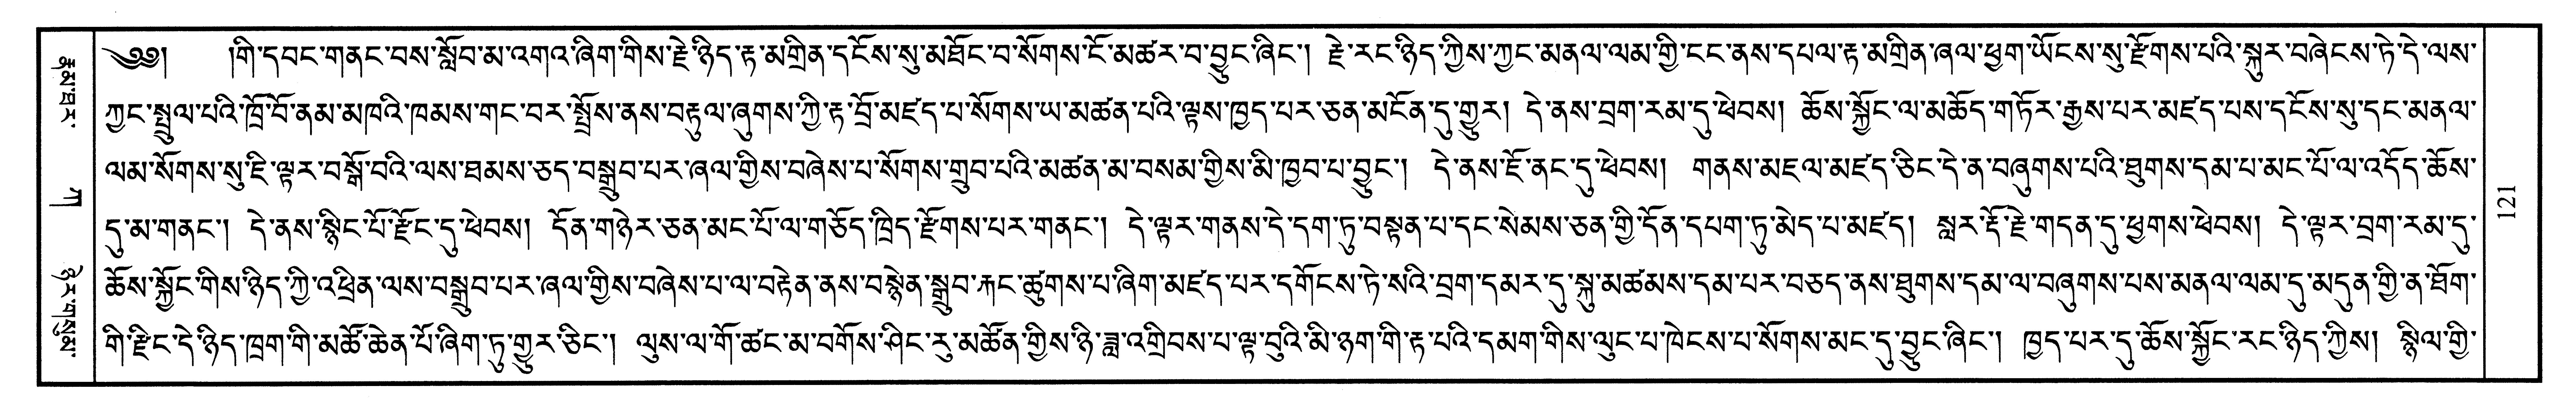༄༅། །གི་དབང་གནང་བས་སློབ་མ་འགའ་ཞིག་གིས་རྗེ་ཉིད་རྟ་མགྲིན་དངོས་སུ་མཐོང་བ་སོགས་ངོ་མཚར་བ་བྱུང་ཞིང་། རྗེ་རང་ཉིད་ཀྱིས་ཀྱང་མནལ་ལམ་གྱི་ངང་ནས་དཔལ་རྟ་མགྲིན་ཞལ་ཕྱག་ཡོངས་སུ་རྫོགས་པའི་སྐུར་བཞེངས་ཏེ་དེ་ལས་
ཀྱང་སྤྲུལ་པའི་ཁྲོ་བོ་ནམ་མཁའི་ཁམས་གང་བར་སྤྲོས་ནས་བརྟུལ་ཞུགས་ཀྱི་རྟ་བྲོ་མཛད་པ་སོགས་ཡ་མཚན་པའི་ལྟས་ཁྱད་པར་ཅན་མངོན་དུ་གྱུར། དེ་ནས་བྲག་རམ་དུ་ཕེབས། ཆོས་སྐྱོང་ལ་མཆོད་གཏོར་རྒྱས་པར་མཛད་པས་དངོས་སུ་དང་མནལ་
ལམ་སོགས་སུ་ཇི་ལྟར་བསྒོ་བའི་ལས་ཐམས་ཅད་བསྒྲུབ་པར་ཞལ་གྱིས་བཞེས་པ་སོགས་གྲུབ་པའི་མཚན་མ་བསམ་གྱིས་མི་ཁྱབ་པ་བྱུང་། དེ་ནས་ཇོ་ནང་དུ་ཕེབས། གནས་མཇལ་མཛད་ཅིང་དེ་ན་བཞུགས་པའི་ཐུགས་དམ་པ་མང་པོ་ལ་འདོད་ཆོས་
དུ་མ་གནང་། དེ་ནས་སྙིང་པོ་རྫོང་དུ་ཕེབས། དོན་གཉེར་ཅན་མང་པོ་ལ་གཅོད་ཁྲིད་རྫོགས་པར་གནང་། དེ་ལྟར་གནས་དེ་དག་ཏུ་བསྟན་པ་དང་སེམས་ཅན་གྱི་དོན་དཔག་ཏུ་མེད་པ་མཛད། སླར་རྡོ་རྗེ་གདན་དུ་ཕྱག་ཕེབས། དེ་ལྟར་བྲག་རམ་དུ་
ཆོས་སྐྱོང་གིས་ཉིད་ཀྱི་འཕྲིན་ལས་བསྒྲུབ་པར་ཞལ་གྱིས་བཞེས་པ་ལ་བརྟེན་ནས་བསྙེན་སྒྲུབ་རྐང་ཚུགས་པ་ཞིག་མཛད་པར་དགོངས་ཏེ་སའི་བྲག་དམར་དུ་སྐུ་མཚམས་དམ་པར་བཅད་ནས་ཐུགས་དམ་ལ་བཞུགས་པས་མནལ་ལམ་དུ་མདུན་གྱི་ན་ཐོག་
གི་རྫིང་དེ་ཉིད་ཁྲག་གི་མཚོ་ཆེན་པོ་ཞིག་ཏུ་གྱུར་ཅིང་། ལུས་ལ་གོ་ཚང་མ་བགོས་ཤིང་རུ་མཚོན་གྱིས་ཉི་ཟླ་འགྲིབས་པ་ལྟ་བུའི་མི་ཉག་གི་རྟ་པའི་དམག་གིས་ལུང་པ་ཁེངས་པ་སོགས་མང་དུ་བྱུང་ཞིང་། ཁྱད་པར་དུ་ཆོས་སྐྱོང་རང་ཉིད་ཀྱིས། སྙིལ་གྱི་